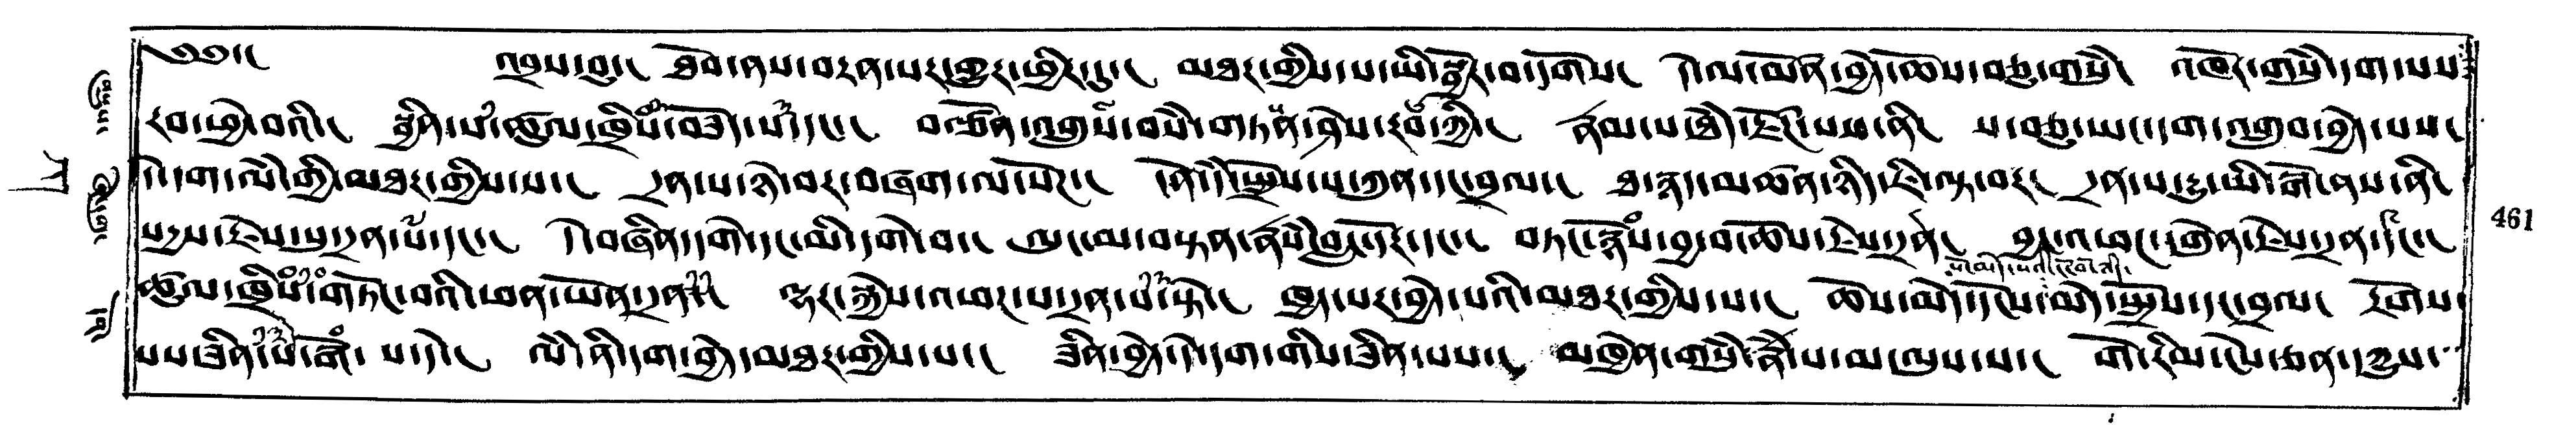འབྲས་བུ། །ཐོབ་ནས་བརྟན་པར་གྱུར་ཕྱིར་དུ། །མཐར་གྱིས་པ་ཡི་སྦྱོར་བ་དགོས། །དེ་ལ་མཚོན་བྱེད་ཆོས་བཅུ་གསུམ། །འཁོར་གསུམ་དག་པས་
རབ་ཕྱེ་བའི། །སྦྱིན་པ་ཚུལ་ཁྲིམས་བཟོད་པ་དང་། །བརྩོན་འགྲུས་བསམ་གཏན་ཤེས་རབ་ཀྱི། །རྣམ་པ་ཐམས་ཅད་རྫོགས་པས་ནི། །ས་བཅུ་ཡང་དག་འགྲུབ་བྱེད་པས། །
དེ་དག་ལམ་གྱི་མཐར་གྱིས་པ། །དྲན་པ་ཉེ་བར་བཞག་ལ་སོགས། །དོན་དམ་སྤྲོས་པ་ཀུན་དང་བྲལ། །ཐ་སྙད་མཚན་ཉིད་ཇི་ལྟ་བ། །དྲན་པ་རྒྱུ་ཡི་སྒོ་ནས་ནི། །
སངས་རྒྱས་རྗེས་སུ་དྲན་པ་དང་། །དེ་བཞིན་དགེ་དང་མི་དགེ་བ། །ལུང་མ་བསྟན་རྣམས་བླང་དོར་དང་། །བཏང་སྙོམས་བྱ་བ་ཆོས་རྗེས་དྲན། །བྱང་འཕགས་དགེ་འདུན་རྗེས་དྲན་དང་། །
ཚུལ་ཁྲིམས་གཏོང་བའི་ཕན་ཡོན་དྲན། །ལྷར་སྐྱེས་འཕགས་པ་དྲན་པ་སྟེ། ཁྱད་པར་བྱེད་པའི་མཐར་གྱིས་པ། །ཆོས་མེད་དངོས་པོ་མེད་པའི་ངོ་བོ་ཉིད་མེད་སྤྲོས་དང་བྲལ། །རྟོགས་
པས་ཟིན་པ་སྒོམ་པ་དེ། །ལམ་ནི་དག་བྱེད་མཐར་གྱིས་པ། །ཟིན་བྱེད་དེ་དག་གིས་ཟིན་པས། །མཁྱེན་གསུམ་རྣམ་པ་མ་ལུས་པ། །གོ་རིམ་ངེས་ཅན་དཀྱུས་